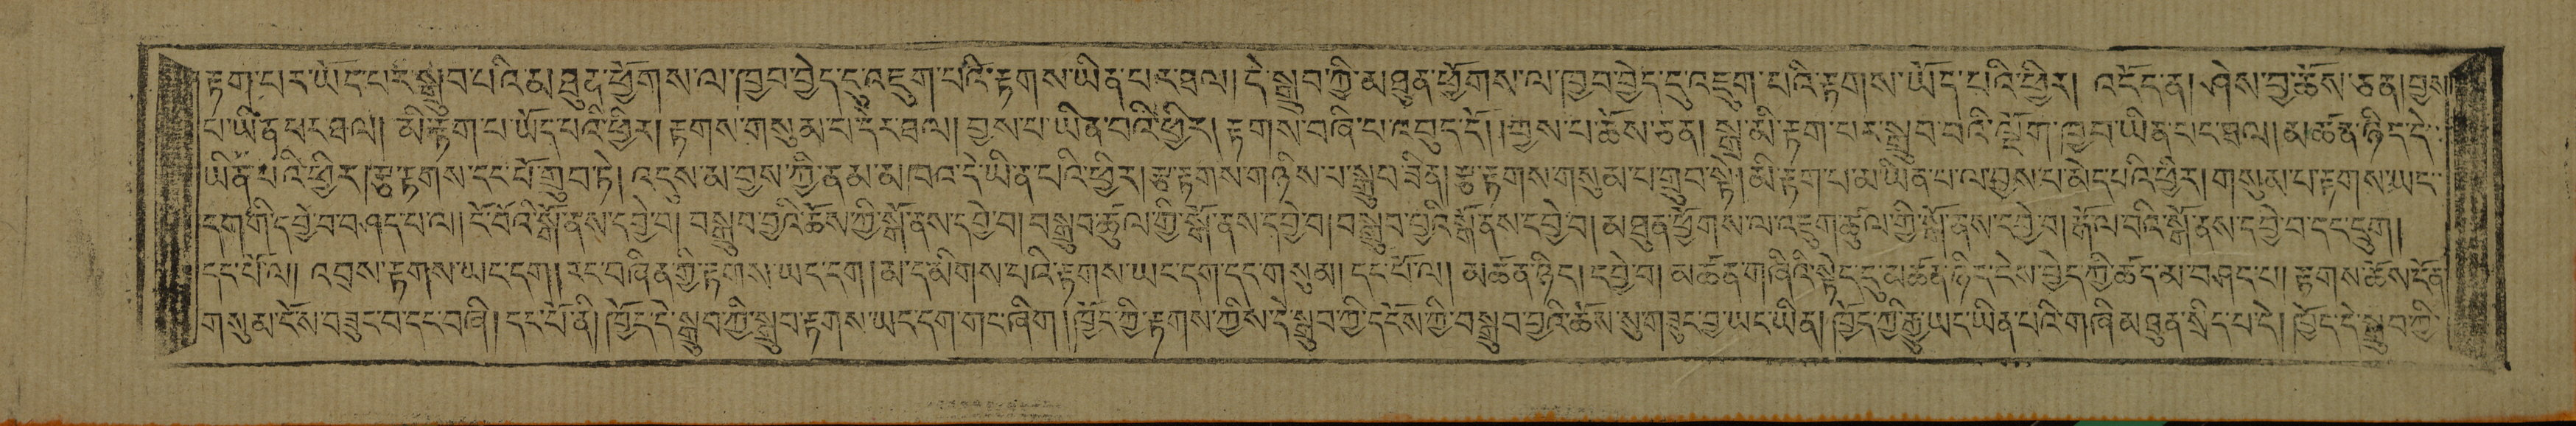རྟག་པར་ཡོད་པར་སྒྲུབ་པའི་མཐུན་ཕྱོགས་ལ་ཁྱབ་བྱེད་དུ་འཇུག་པའི་རྟགས་ཡིན་པར་ཐལ། དེ་སྒྲུབ་ཀྱི་མཐུན་ཕྱོགས་ལ་ཁྱབ་བྱེད་དུ་འཇུག་པའི་རྟགས་ཡོད་པའི་ཕྱིར། འདོད་ན། ཤེས་བྱ་ཆོས་ཅན། བྱས་
པ་ཡིན་པར་ཐལ། མི་རྟག་པ་ཡོད་པའི་ཕྱིར། རྟགས་གསུམ་པ་དེར་ཐལ། བྱས་པ་ཡིན་པའི་ཕྱིར། རྟགས་བཞི་པ་འབུད་དོ། །བྱས་པ་ཆོས་ཅན། སྒྲ་མི་རྟག་པར་སྒྲུབ་པའི་ལྡོག་ཁྱབ་ཡིན་པར་ཐལ། མཚན་ཉིད་དེ་
ཡིན་པའི་ཕྱིར། རྩ་རྟགས་དང་པོ་གྲུབ་ཏེ། འདུས་མ་བྱས་ཀྱི་ནམ་མཁའ་དེ་ཡིན་པའི་ཕྱིར། རྩ་རྟགས་གཉིས་པ་སྒྲུབ་ཟིན། རྩ་རྟགས་གསུམ་པ་གྲུབ་སྟེ། མི་རྟག་པ་མ་ཡིན་པ་ལ་བྱས་པ་མེད་པའི་ཕྱིར། གསུམ་པ་རྟགས་ཡང་
དག་གི་དབྱེ་བ་བཤད་པ་ལ། ངོ་བོའི་སྒོ་ནས་དབྱེ་བ། བསྒྲུབ་བྱའི་ཆོས་ཀྱི་སྒོ་ནས་དབྱེ་བ། བསྒྲུབ་ཚུལ་གྱི་སྒོ་ནས་དབྱེ་བ། བསྒྲུབ་བྱའི་སྒོ་ནས་དབྱེ་བ། མཐུན་ཕྱོགས་ལ་འཇུག་ཚུལ་གྱི་སྒོ་ནས་དབྱེ་བ། རྒོལ་བའི་སྒོ་ནས་དབྱེ་བ་དང་དྲུག །
དང་པོ་ལ། འབྲས་རྟགས་ཡང་དག །རང་བཞིན་གྱི་རྟགས་ཡང་དག །མ་དམིགས་པའི་རྟགས་ཡང་དག་དང་གསུམ། དང་པོ་ལ། མཚན་ཉིད། དབྱེ་བ། མཚན་གཞིའི་སྟེང་དུ་མཚན་ཉིད་ངེས་བྱེད་ཀྱི་ཚད་མ་བཤད་པ། རྟགས་ཆོས་དོན་
གསུམ་ངོས་བཟུང་བ་དང་བཞི། དང་པོ་ནི། ཁྱོད་དེ་སྒྲུབ་ཀྱི་སྒྲུབ་ཀྱི་སྒྲུབ་རྟགས་ཡང་དག་གང་ཞིག །ཁྱོད་ཀྱི་རྟགས་ཀྱིས་དེ་སྒྲུབ་ཀྱི་དངོས་ཀྱི་བསྒྲུབ་བྱའི་ཆོས་སུ་གཟུང་བྱ་ཡང་ཡིན། ཁྱོད་ཀྱི་རྒྱུ་ཡང་ཡིན་པའི་གཞི་མཐུན་སྲིད་པ་དེ། ཁྱོད་དེ་སྒྲུབ་ཀྱི་